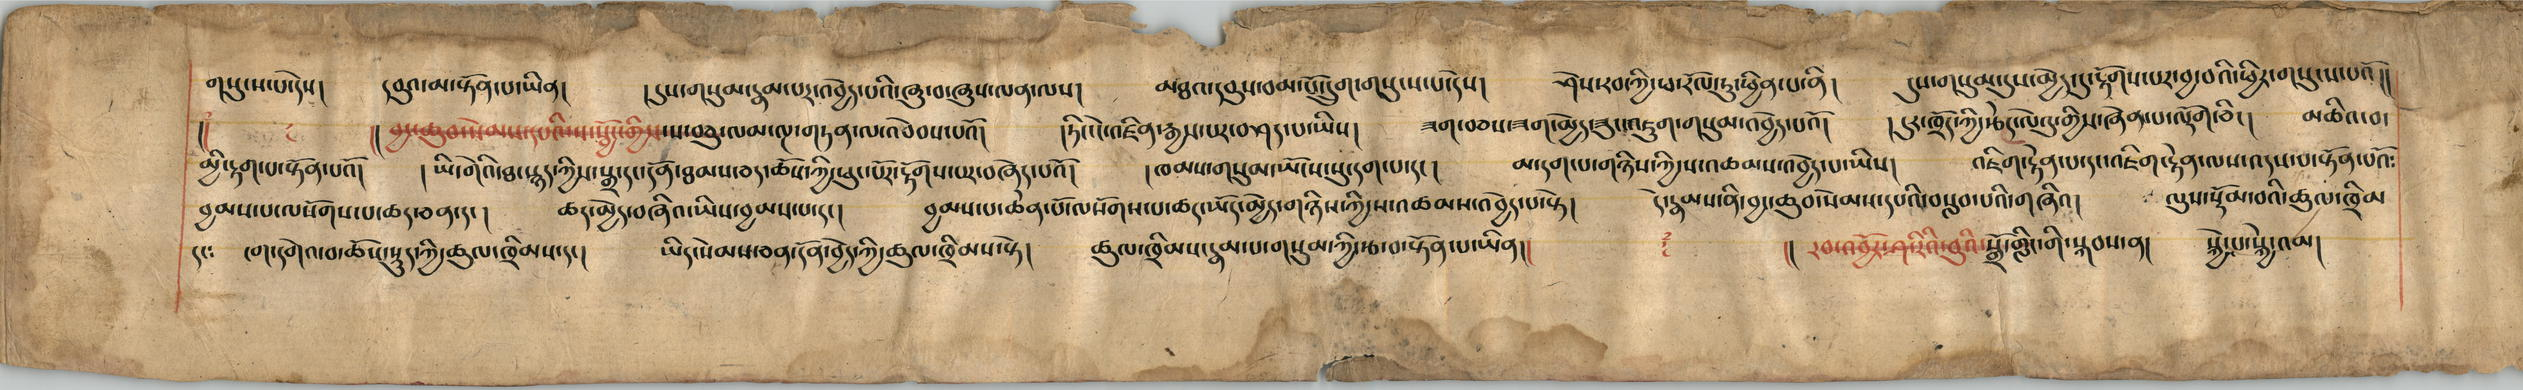གསུངས་པ་དེས། དབུའ་མ་སྟོན་པ་ཡིན། །དུས་གསུམ་རྣམ་པར་འབྱེད་པའི་ཞུ་བ་ཞུས་ལན་ནས། མཐའ་དབུས་བམ་པོ་དྲུག་གསུངས་པ་དེས། ཤེས་རབ་ཀྱི་ཕ་རོལ་ཏུ་ཕྱིན་པ་ནི། དུས་གསུམ་དུས་མྱེད་དུ་རྟོགས་པར་བྱ་བའི་ཕྱིར་གསུངས་པའོ།།
།། བྱང་ཆུབ་སེམས་དཔའི་ས་སྦྱོང་གྱིས་ས་བཅུ་ལམ་ལྔ་གཏན་ལ་འབེབས་པའོ། །ཏིང་ངེ་འཛིན་རྒྱས་པར་བཤད་པ་ཡིས། ཟག་བཅས་ཟག་མྱེད་ཟུང་འཇུག་གསུམ་འབྱེད་པའོ། ། དུར་ཁྲོད་ཀྱི་རྩེད་ལེའུ་གྱིས་ཞེན་པ་ལྡོག་ཅིང། མཆིའ་བ་
མྱི་རྟག་པ་སྟོན་པའོ། ། ཡི་གེའི་ཐ་སྙད་ཀྱིས་སྒྲ་དང་དོན་ཐམས་ཅད་ཆོས་ཀྱི་ཕུང་པོར་རྟོགས་པར་བཞེད་པའོ། །ཁམས་གསུམ་ཡོངས་སུ་དག་པ་དང། མ་དག་པ་གཉིས་ཀྱི་ས་འཆམས་འབྱེད་པ་ཡིས། འཇིག་རྟེན་པ་དང་འཇིག་རྟེན་ལས་འདས་པ་སྟོན་པའོ:
བྱམས་པ་ལསོགས་པ་ཆད་ཅན་དང། ཆད་མྱེད་བཞིའ་ཡིས་བྱམས་པ་དང། བྱམས་པ་ཆེན་པོ་ལསོགས་པ་ཆད་ཡོད་མྱེད་གཉིས་ཀྱི་ས་འཚམས་འབྱེད་པ་སྟེ། དེ་རྣམས་ནི་བྱང་ཆུབ་སེམས་དཔའི་བསླབ་པའི་གཞིའ། ལུས་སྡོམ་བའི་ཚུལ་ཁྲིམ
དང: ངག་དགེའ་བ་ཆོས་སྡུད་ཀྱི་ཚུལ་ཁྲིམས་དང། ཡིད་སེམས་ཅན་དོན་བྱེད་ཀྱི་ཚུལ་ཁྲིམས་སྟེ། ཚུལ་ཁྲིམས་རྣམ་པ་གསུམ་ཀྱི་རྩ་བ་སྟོན་པ་ཡི།། ༈ །། རབ་འབྱོར་ཤ་རིའི་བུའི་སྒྲོ་གླིང་གི་སྐབས་ན། སྐྱེ་པ་སྐྱེ་འམ།